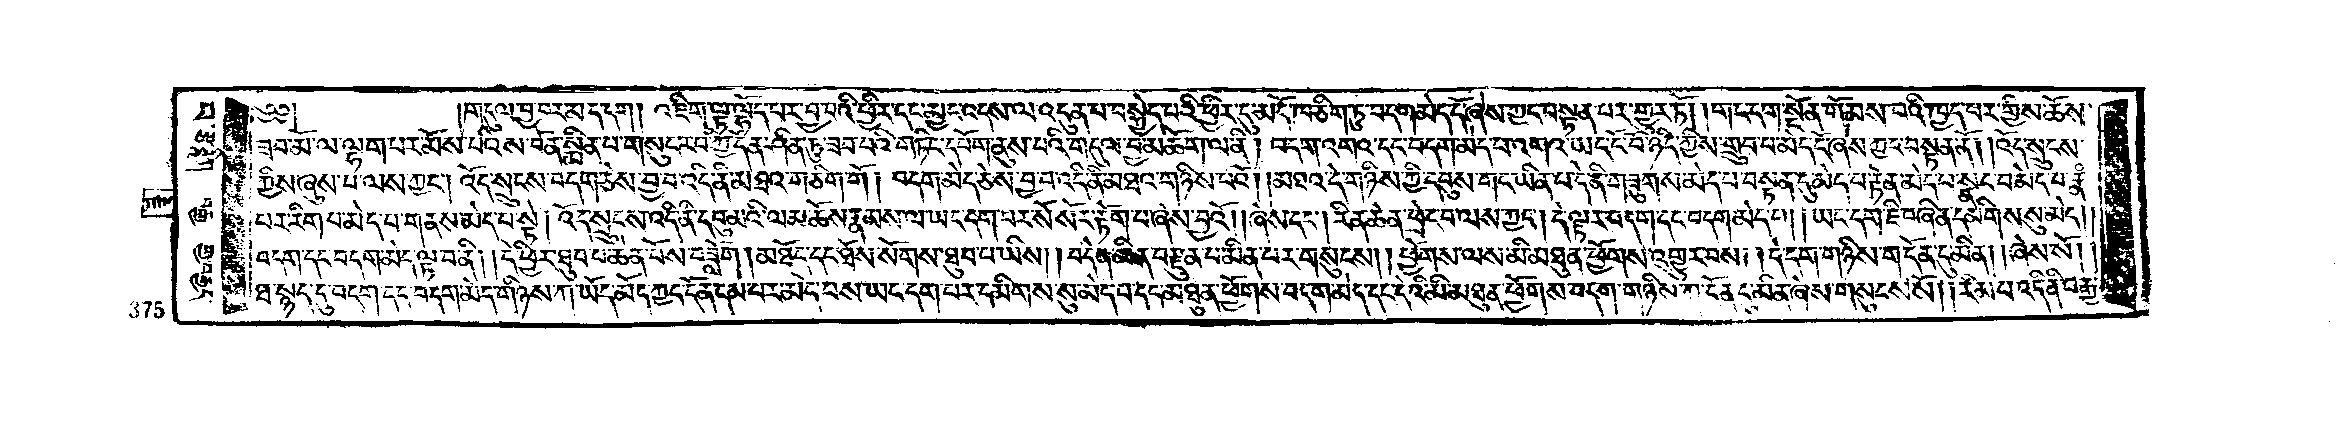༄༅། །གདུལ་བྱ་བར་མ་ད་དག །འཇིག་ལྟ་ལྷོད་པར་བྱ་བའི་ཕྱིར་དང་མྱང་འདས་ལ་འདུན་པ་བསྐྱེད་པའི་ཕྱིར་དུ་མདོ་ཁ་ཅིག་ཏུ་བདག་མེད་དོ་ཞེས་ཀྱང་བསྟན་པར་གྱུར་ཏོ། །གང་དག་སྔོན་གོམས་པའི་ཁྱད་པར་གྱིས་ཆོས་
ཟབ་མོ་ལ་ལྷག་པར་མོས་པའི་ས་བོན་སྨིན་པ་གསུང་རབ་ཀྱི་དོན་ཤིན་ཏུ་ཟབ་པའི་གཏིང་དཔོག་ནུས་པའི་གདུལ་བྱ་མཆོག་ལ་ནི། བདག་འགའ་དང་བདག་མེད་པ་འགའ་ཡང་ངོ་བོ་ཉིད་ཀྱིས་གྲུབ་པ་མེད་དོ་ཞེས་ཀྱང་བསྟན་ནོ། །འོད་སྲུངས་
ཀྱིས་ཞུས་པ་ལས་ཀྱང་། འོད་སྲུངས་བདག་ཅེས་བྱ་བ་འདི་ནི་མཐའ་གཅིག་གོ །བདག་མེད་ཅེས་བྱ་བ་འདི་ནི་མཐའ་གཉིས་པའོ། །མཐའ་དེ་གཉིས་ཀྱི་དབུས་གང་ཡིན་པ་དེ་ནི་གཟུགས་མེད་པ་བསྟན་དུ་མེད་པ་རྟེན་མེད་པ་སྣང་བ་མེད་པ་རྣཾ་
པར་རིག་པ་མེད་པ་གནས་མེད་པ་སྟེ། འོད་སྲུངས་འདི་ནི་དབུ་མའི་ལམ་ཆོས་རྣམས་ལ་ཡང་དག་པར་སོ་སོར་རྟོག་བ་ཞེས་བྱའོ། །ཞེས་དང་། རིན་ཆེན་ཕྲེང་བ་ལས་ཀྱང་། དེ་ལྟར་བདག་དང་བདག་མེད་པ། །ཡང་དག་ཇི་བཞིན་དམིགས་སུ་མེད། །
བདག་དང་བདག་མེད་ལྟ་བ་ནི། །དེ་ཕྱིར་ཐུབ་པ་ཆེན་པོས་བཟློག །མཐོད་དང་ཐོས་སོགས་ཐུབ་པ་ཡིས། །བདེན་མིན་བརྫུན་པ་མིན་པར་གསུངས། །ཕྱོགས་ལས་མི་མཐུན་ཕྱོགས་འགྱུར་པས། །དེ་དག་གཉིས་གདོན་དུ་མིན། །ཞེས་སོ། །
ཐ་སྙད་དུ་བདག་དང་བདག་མེད་གཉིས་ཀ་ཡོད་མོད་ཀྱང་དོན་དམ་པར་མེད་པས་ཡང་དག་པར་དམིགས་སུ་མེད་པ་དང་མཐུན་ཕྱོགས་བདག་མེད་དང་དེའི་མི་མཐུན་ཕྱོགས་བདག་གཉིས་ཀ་དོན་དུ་མིན་ཞེས་གསུངས་སོ། །རིམ་པ་འདི་ནི་བརྒྱ་